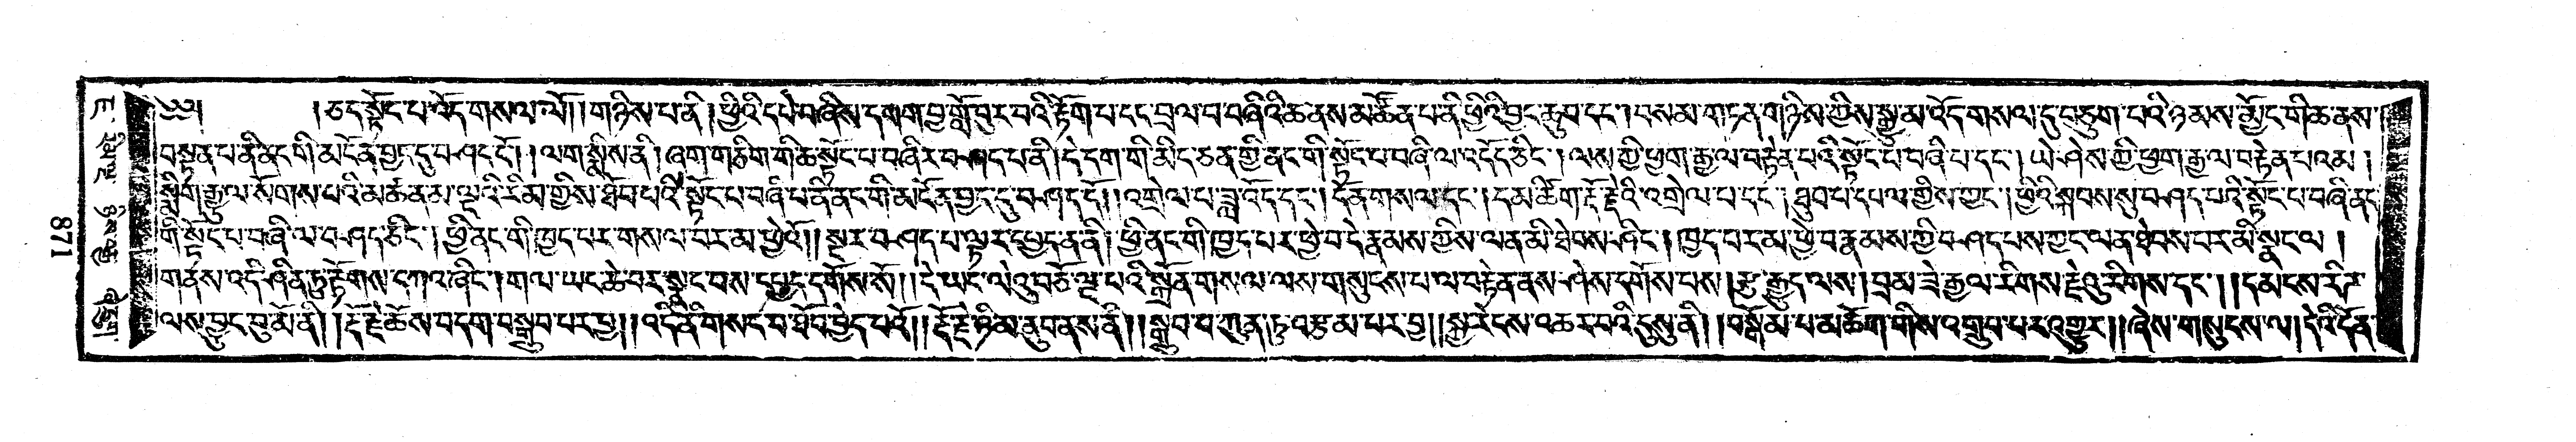༄༅། །ཅད་སྟོང་པ་འོད་གསལ་ལོ། །གཉིས་པ་ནི། ཕྱིའི་དཔེ་བཞིས་དགག་བྱ་གླ་བུར་བའི་རྟོག་པ་དང་བྲལ་བ་བཞིའི་ཆ་ནས་མཚོན་པ་ནི་ཕྱིའི་བྱང་ཆུབ་དང་། བསམ་གཏན་གཉིས་ཀྱིས་སྒྱུ་མ་འོད་གསལ་དུ་བཅུག་པའི་ཉམས་མྱོང་གི་ཆ་ནས་
བསྟན་པ་ནི་ནང་གི་མངོན་བྱང་དུ་བཤད་དོ། །ལག་སྨིས་ནི། ཞག་གཅིག་གི་ཆ་སྟོང་པ་བཞིར་བཤད་པ་ནི། དེ་དག་གི་མིང་ཅན་གྱི་ནང་གི་སྟོང་པ་བཞི་ལ་འདོད་ཅིང་། ལས་ཀྱི་ཕྱག་རྒྱ་ལ་བརྟེན་པའི་སྟོང་པ་བཞི་པ་དང་། ཡེ་ཤེས་ཀྱི་ཕྱག་རྒྱ་ལ་བརྟེན་པའམ།
སྨིག་རྒྱུ་ལ་སོགས་པའི་མཚན་མ་ལྔའི་རིམ་གྱིས་ཐོབ་པའི་སྟོང་པ་བཞི་པ་ནི་ནང་གི་མངོན་བྱང་དུ་བཤད་དོ། །འགྲེལ་པ་ཟླ་འོད་དང་། དོན་གསལ་དང་། དམ་ཚིག་རྡོ་རྗེའི་འགྲེལ་པ་དང་། ཐུབ་པ་དཔལ་གྱིས་ཀྱང་། ཕྱིའི་སྐབས་སུ་བཤད་པའི་སྟོང་པ་བཞི་ནང་
གི་སྟོང་པ་བཞི་ལ་བཤད་ཅིང་། ཕྱི་ནང་གི་ཁྱད་པར་གསལ་བར་མ་ཕྱེའོ། །སྔར་བཤད་པ་ལྟར་དཔྱད་ན་ནི། ཕྱི་ནང་གི་ཁྱད་པར་ཕྱེ་བ་དེ་རྣམས་ཀྱིས་ལན་མི་ཐེབས་ཤིང་། ཁྱད་པར་མ་ཕྱེ་བ་རྣམས་ཀྱི་བཤད་པས་ཀྱང་ལན་ཐེབས་པར་མི་སྣང་ལ།
གནས་འདི་ཤིན་ཏུ་རྟོགས་དཀའ་ཞིང་། གལ་ཡང་ཆེ་བར་སྣང་བས་དཔྱད་དགོས་སོ། །དེ་ཡང་ལེའུ་བཅོ་ལྔ་པའི་སྒྲོན་གསལ་ལས་གསུངས་པ་ལ་བརྟེན་ནས་ཤེས་དགོས་པས། རྩ་རྒྱུད་ལས། བྲམ་ཟེ་རྒྱལ་རིགས་རྗེའུ་རིགས་དང་། །དམངས་རིགས་
ལས་བྱུང་བུ་མོ་ནི། །རྡོ་རྗེ་ཆོས་བདག་བསྒྲུབ་པར་བྱ། །འདི་ནི་གསང་བ་ཐོབ་བྱེད་པའོ། །རྡོ་རྗེ་ཉི་མ་ནུབ་ནས་ནི། །སྒྲུབ་པ་ཀུན་ཏུ་བརྩམ་པར་བྱ། །སྐྱ་རེངས་འཆར་བའི་དུས་སུ་ནི། །བསྒོམ་པ་མཆོག་གིས་འགྲུབ་པར་འགྱུར། །ཞེས་གསུངས་ལ། དེའི་དོན་